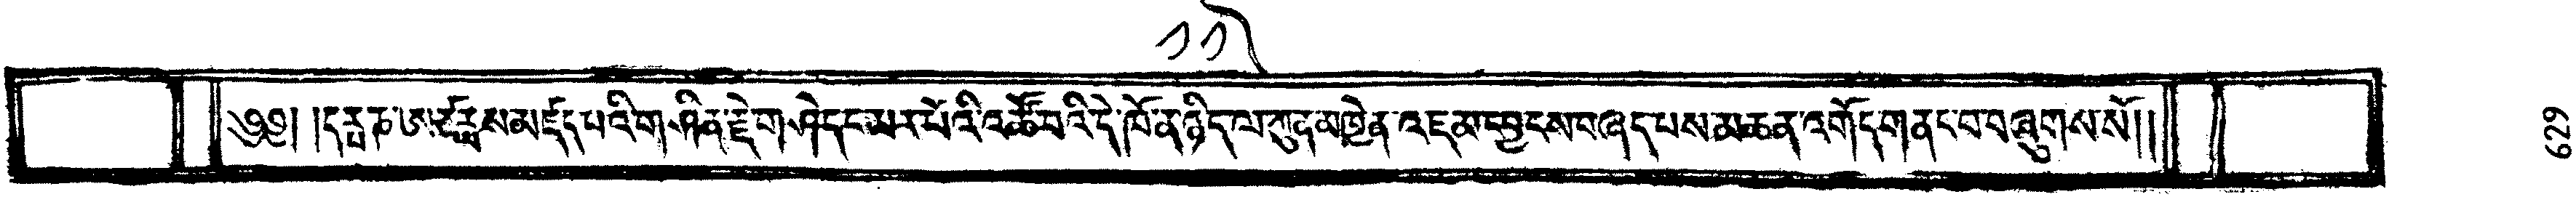༄༅། །དརྤཎ་ཨ་ཙརྱས་མཛད་པའི་གཤིན་རྗེ་གཤེད་དམར་པོའི་འཚོ་བའི་དེ་ཁོ་ན་ཉིད་ལ་ཀུན་མཁྱེན་འཇམ་དབྱངས་བཞད་པས་མཆན་འགོད་གནང་བ་བཞུགས་སོ། །